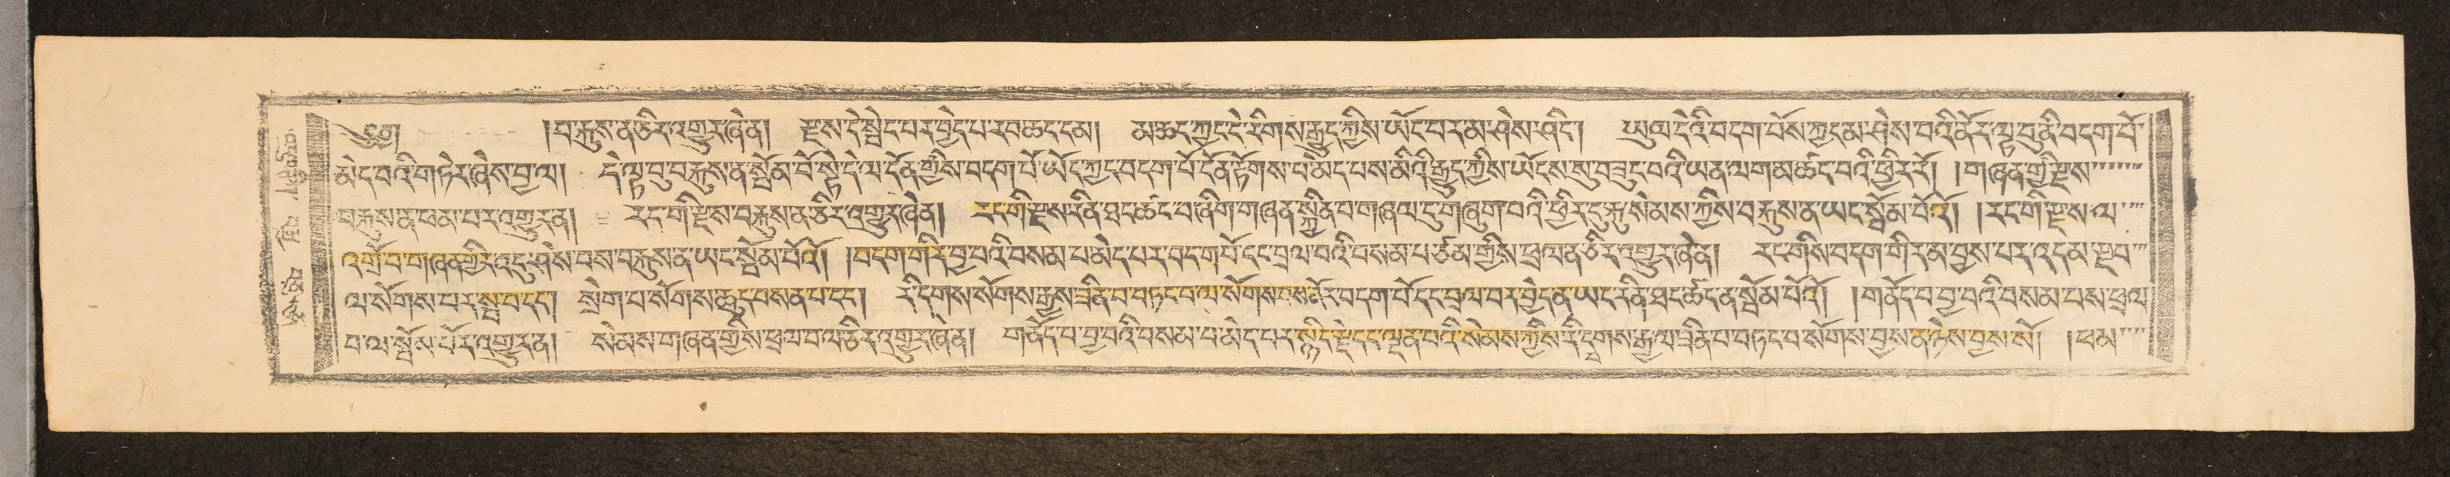༄༅། །པ་རྐུས་ན་ཅིར་འགྱུར་ཞེ་ན། རྫས་དེ་སྦེད་པར་བྱེད་པ་རབ་ཆད་དམ། མ་ཆད་ཀྱང་དེ་རིགས་རྒྱུད་ཀྱིས་ཡོང་བར་མ་ཤེས་ཤིང་། ཡུལ་དེའི་བདག་པོས་ཀྱང་མ་ཤེས་བའི་ནོར་ལྟ་བུ་ནི་བདག་པོ་
མེད་བའི་གཏེར་ཞེས་བྱ་ལ། དེ་ལྟ་བུ་བརྐུས་ན་སྔོམ་བོ་སྟེ་དེ་ལ་དོན་གྱིས་བདག་པོ་ཡོད་ཀྱང་བདག་པོ་དོན་རྟོགས་པ་མེད་པས་མིའི་རྒྱུད་ཀྱིས་ཡོངས་སུ་བཟུང་བའི་ཡན་ལག་མ་ཚད་བའི་ཕྱིར་རོ། །གཞན་གྱི་རྫས་
བརྐུས་ན་ཕམ་པར་འགྱུར་ན། རང་གི་རྫས་བརྐུས་ན་ཅིར་འགྱུར་ཞེན། རང་གི་རྫས་རིན་ཐང་ཚང་བ་ཞིག་གཞན་སྐྱིན་པ་གཞལ་དུ་གཞུག་བའི་ཕྱིར་དུ་རྐུ་སེམས་ཀྱིས་བརྐུས་ན་ཡང་སྦོམ་པོའོ། །རང་གི་རྫས་ལ་
འགྲོ་བ་གཞན་གྱིར་འདུ་ཤེས་པས་བརྐུས་ན་ཡང་སྦོམ་པོའོ། །བདག་གིར་བྱ་བའི་བསམ་པ་མེད་པར་བདག་པོ་དང་བྲལ་བའི་བསམ་པ་ཙམ་གྱིས་ཕྲལ་ན་ཅི་ར་འགྱུར་ཞེ་ན། རང་གིས་བདག་གིར་མ་བྱས་བར་འདམ་རྫབ་
ལ་སོགས་པར་སྦ་བ་དང་། སྲེག་པ་སོགས་ཆུད་བསན་བ་དང་། རི་དགས་སོགས་རྒྱས་ཟིན་པ་བཏང་བ་ལ་སོགས་བས་ནོར་བདག་པོ་དང་བྲལ་བར་བྱེད་ན་ཡང་རིན་ཐང་ཚང་ན་སྦོམ་པོའོ། །གནོད་པ་བྱ་བའི་བསམ་བས་ཕྲལ་
བ་ལ་སྦོམ་པོར་འགྱུར་ན། སེམས་གཞན་གྱིས་ཕྲལ་བ་ལ་ཅིར་འགྱུར་ཞ་ན། གནོད་པ་བྱ་བའི་བསམ་པ་མེད་པར་སྙིང་རྗེ་དང་ལྡན་པའི་སེམས་ཀྱིས་རི་དྭགས་རྒྱ་ལ་ཟིན་པ་བཏང་བ་སོགས་བྱས་ན་ཉེས་བྱས་སོ། །ཕམ་